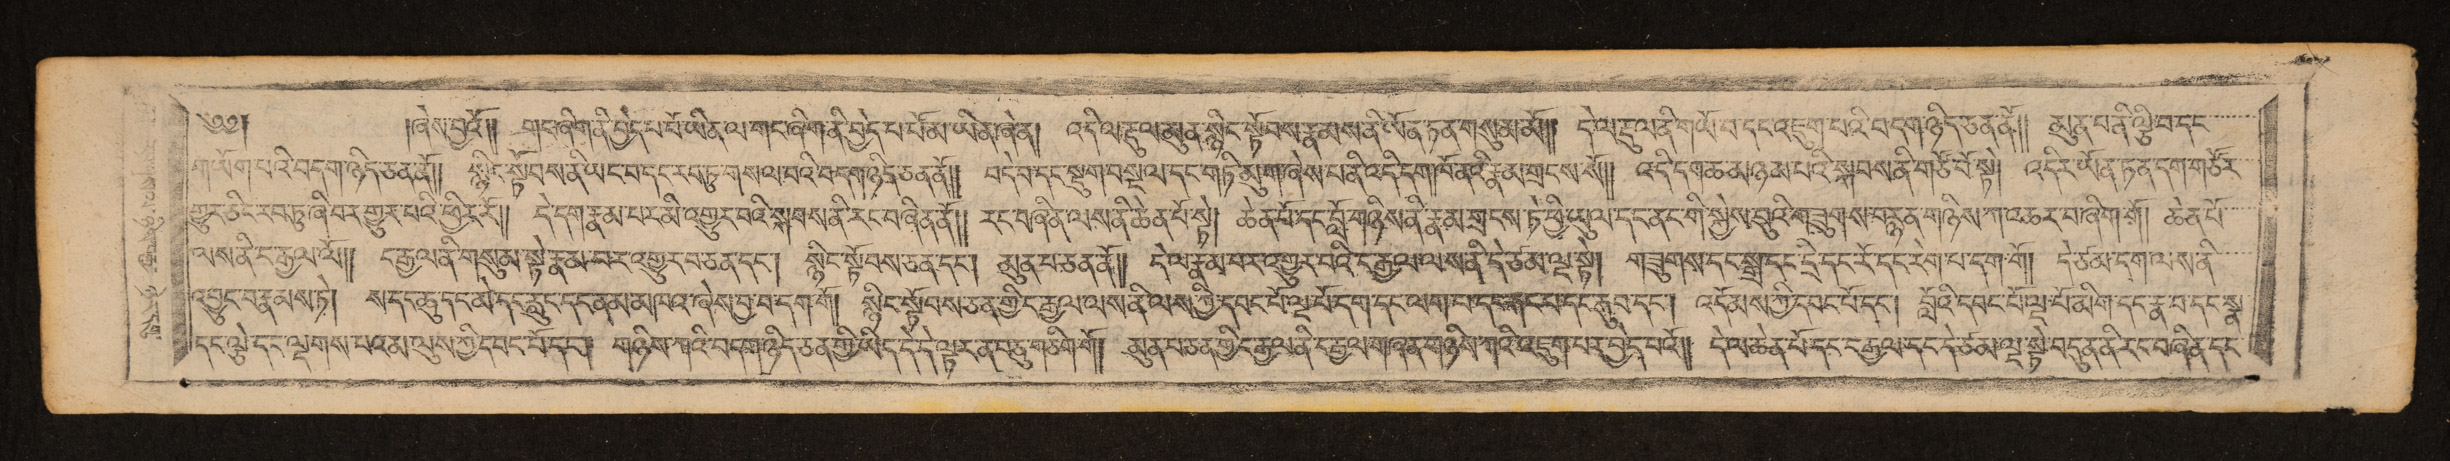༄༅། །ཞེས་བྱའོ།། གང་ཞིག་ནི་བྱེད་པ་པོ་ཡིན་ལ་གང་ཞིག་ནི་བྱེད་པ་པོ་མ་ཡིན་ཞེ་ན། འདི་ལ་རྡུལ་མུན་སྙིང་སྟོབས་རྣམས་ནི་ཡོན་ཏན་གསུམ་མོ།། དེ་ལ་རྡུལ་ནི་གཡོ་བ་དང་འཇུག་པའི་བདག་ཉིད་ཅན་ནོ།། མུན་པ་ནི་ལྕི་བ་དང་
གཡོག་པའི་བདག་ཉིད་ཅན་ནོ།། སྙིང་སྟོབས་ནི་ཡང་བ་དང་རབ་ཏུ་གསལ་བའི་བདག་ཉིད་ཅན་ནོ།། བདེ་བ་དང་སྡུག་བསྔལ་དང་གཏི་མུག་ཞེས་པ་ནི་འདི་དག་ཁོ་ནའི་རྣམ་གྲངས་སོ།། འདི་དག་ཆ་མཉམ་པའི་སྐབས་ནི་གཙོ་བོ་སྟེ། འདིར་ཡོན་ཏན་དག་གཙོར་
གྱུར་ཅིང་རབ་ཏུ་ཞི་བར་གྱུར་པའི་ཕྱིར་རོ།། དེ་དག་རྣམ་པར་མི་འགྱུར་བའི་སྐབས་ནི་རང་བཞིན་ནོ།། རང་བཞིན་ལས་ནི་ཆེན་པོ་སྟེ། ཆེན་པོ་དང་བློ་གཉིས་ནི་རྣམ་གྲངས་ཏེ་ཕྱི་ཡུལ་དང་ནང་གི་སྐྱེས་བུའི་གཟུགས་བརྙན་གཉིས་ཀ་འཆར་བ་ཞིག་གོ། ཆེན་པོ་
ལས་ནི་ང་རྒྱལ་ལོ།། ང་རྒྱལ་ནི་གསུམ་སྟེ་རྣམ་པར་འགྱུར་བ་ཅན་དང་། སྙིང་སྟོབས་ཅན་དང་། མུན་པ་ཅན་ནོ།། དེ་ལ་རྣམ་པར་འགྱུར་བའི་ང་རྒྱལ་ལས་ནི་དེ་ཙམ་ལྔ་སྟེ། གཟུགས་དང་སྒྲ་དང་དྲི་དང་རོ་དང་རེག་པ་དག་གོ། དེ་ཙམ་དག་ལས་ནི་
འབྱུང་བ་རྣམས་ཏེ། ས་དང་ཆུ་དང་མེ་དང་རླུང་དང་ནམ་མཁའ་ཞེས་བྱ་བདག་གོ། སྙིང་སྟོབས་ཅན་གྱི་ང་རྒྱལ་ལས་ནི་ལས་ཀྱི་དབང་པོ་ལྔ་པོ་དག་དང་ལག་པ་དང་རྐང་པ་དང་རྐུབ་དང་། འདོམས་ཀྱི་དབང་པོ་དང་། བློའི་དབང་པོ་ལྔ་པོ་མིག་དང་རྣ་བ་དང་སྣ་
དང་ལྕེ་དང་ལྤགས་པའམ་ལུས་ཀྱི་དབང་པོ་དང་། གཉིས་ཀའི་བདག་ཉིད་ཅན་གྱི་ཡིད་དེ་དེ་ལྟར་ན་བཅུ་གཅིག་གོ། མུན་པ་ཅན་གྱི་ང་རྒྱལ་ནི་ང་རྒྱལ་གཞན་གཉིས་ཀའི་འཇུག་པར་བྱེད་པའོ།། དེ་ལ་ཆེན་པོ་དང་ང་རྒྱལ་དང་དེ་ཙམ་ལྔ་སྟེ་བདུན་ནི་རང་བཞིན་དང་